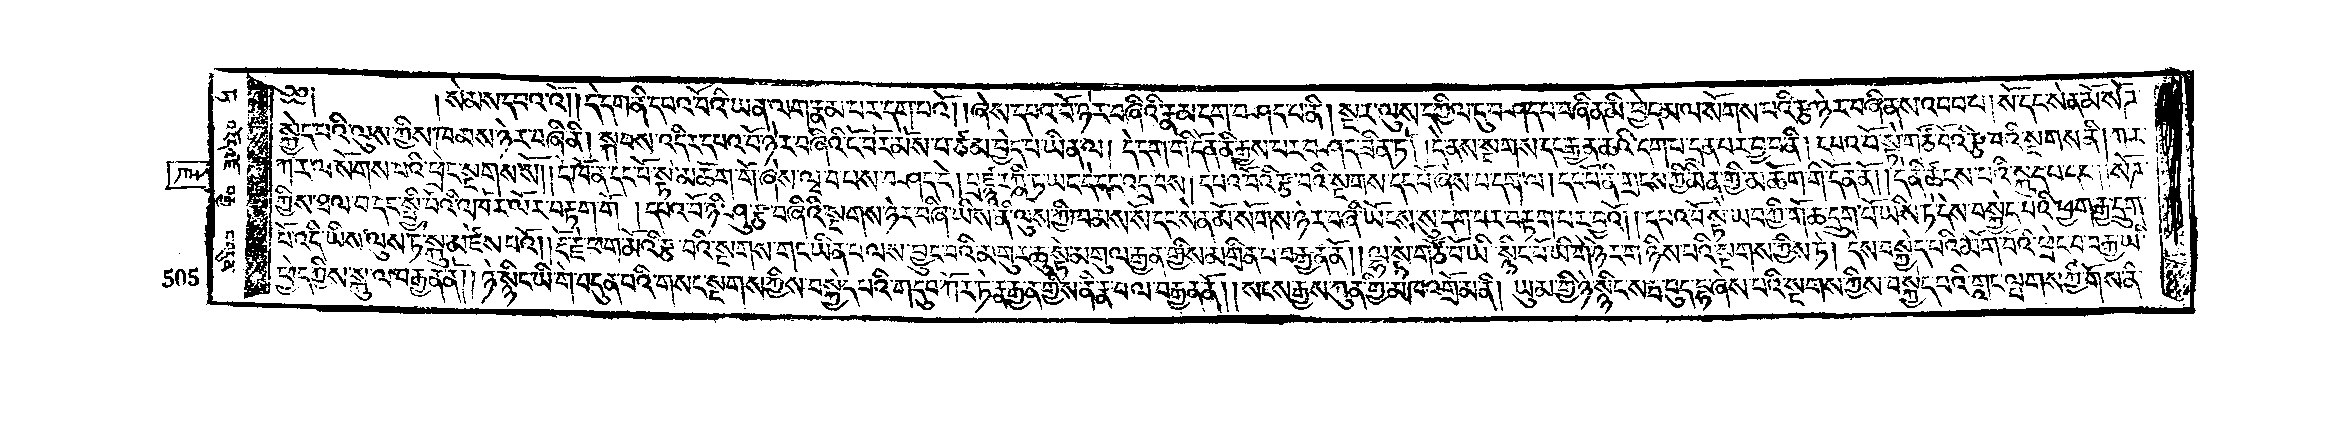༄༅། །སེམས་དཔའ་འོ། །དེ་དག་ནི་དཔའ་བོའི་ཡན་ལག་རྣམ་པར་དག་པའོ། །ཞེས་དཔའ་བོ་ཉེར་བཞིའི་རྣམ་དག་བཤད་པ་ནི། སྔར་ལུས་དཀྱིལ་དུ་བཤད་པ་བཞིན་མི་ཕྱེད་མ་ལ་སོགས་པའི་རྩ་ཉེར་བཞི་ནས་འབབ་པ། སོ་དང་སེན་མོ་སོགས་
སྐྱེད་པའི་ལུས་ཀྱིས་ཁམས་ཉེར་བཞིན་ནི། སྐབས་འདིར་དཔའ་བོ་ཉེར་བཞིའི་ངོ་བོར་མོས་པ་ཙམ་བྱེད་པ་ཡིན་ལ། དེ་དག་གི་དོན་ནི་རྒྱས་པར་བཤད་ཟིན་ཏོ། །དེ་ནས་སྔགས་དང་རྒྱན་ཆའི་དག་པ་དྲན་པར་བྱ་བ་ནི། དཔའ་བོ་སྟེ་གཙོ་བོའི་རྩ་བའི་སྔགས་ནི། ཀ་ར་
ཀ་ར་ལ་སོགས་པའི་ཕྲེང་སྔགས་སོ། །དེ་ཁོ་ན་དང་པོ་སྟེ་མཆོག་གོ་ཞེས་ལྭ་བ་པས་བཤད་དེ། པྲཛྙཱ་རཀྵི་ཏ་ཡང་དེ་དང་འདྲ་བས། དཔའ་བོའི་རྩ་བའི་སྔགས་དང་པོ་ཞེས་པ་དག་ལ། དང་པོ་ནི་གྲངས་ཀྱི་མིན་གྱི་མཆོག་གི་དོན་ནོ། །དེ་ནི་ཚངས་པའི་སྐུད་པ་དང་། །སོགས་
ཀྱིས་ཐལ་བ་དང་སྤྱི་བོའི་འཁོར་ལོར་བརྟག་གོ །དཔའ་བོ་ཉི་ཤུ་རྩ་བཞིའི་སྔགས་ཉེར་བཞི་ཡིས་ནི་ལུས་ཀྱི་ཁམས་སོ་དང་སེན་མོ་སོགས་ཉེར་བཞི་ཡོངས་སུ་དག་པར་བརྟག་པར་བྱའོ། །དཔའ་བོ་སྟེ་ཡབ་ཀྱི་གོ་ཆ་དྲུག་པོ་ཡིས་ཏེ་དེས་བསྐྱེད་པའི་ཕྱག་རྒྱ་དྲུག་
པོ་འདི་ཡིས་ལུས་ཏེ་སྐུ་མཛེས་པའོ། །རྡོ་རྗེ་ཕག་མོའི་རྩ་བའི་སྔགས་གང་ཡིན་པ་ལས་བྱུང་བའི་མགུར་ཆུ་སྟེ་མགུལ་རྒྱན་གྱིས་མགྲིན་པ་བརྒྱན་ནོ། །ལྷ་སྟེ་གཙོ་བོ་ཡི་སྙིང་པོ་ཡི་གེ་ཉེར་གཉིས་པའི་སྔགས་ཀྱིས་ཏེ། དེས་བསྐྱེད་པའི་མགོ་བོའི་ཕྲེང་བ་བརྒྱ་ཡི་
ཕྱེད་ཀྱིས་སྐུ་ལ་བརྒྱན་ནོ། །ཉེ་སྙིང་ཡི་གེ་བདུན་པའི་གསང་སྔགས་ཀྱིས་བསྐྱེད་པའི་གདུབ་ཀོར་ཏེ་རྣ་རྒྱན་གྱིས་ནི་རྣ་བ་ལ་བརྒྱན་ནོ། །སངས་རྒྱས་ཀུན་གྱི་མཁའ་འགྲོ་མ་ནི། ཡུམ་གྱི་ཉེ་སྙིང་སརྦ་བུད་དྷ་ཞེས་པའི་སྔགས་ཀྱིས་བསྐྱེད་པའི་གླང་ལྤགས་ཀྱི་གོས་ནི་